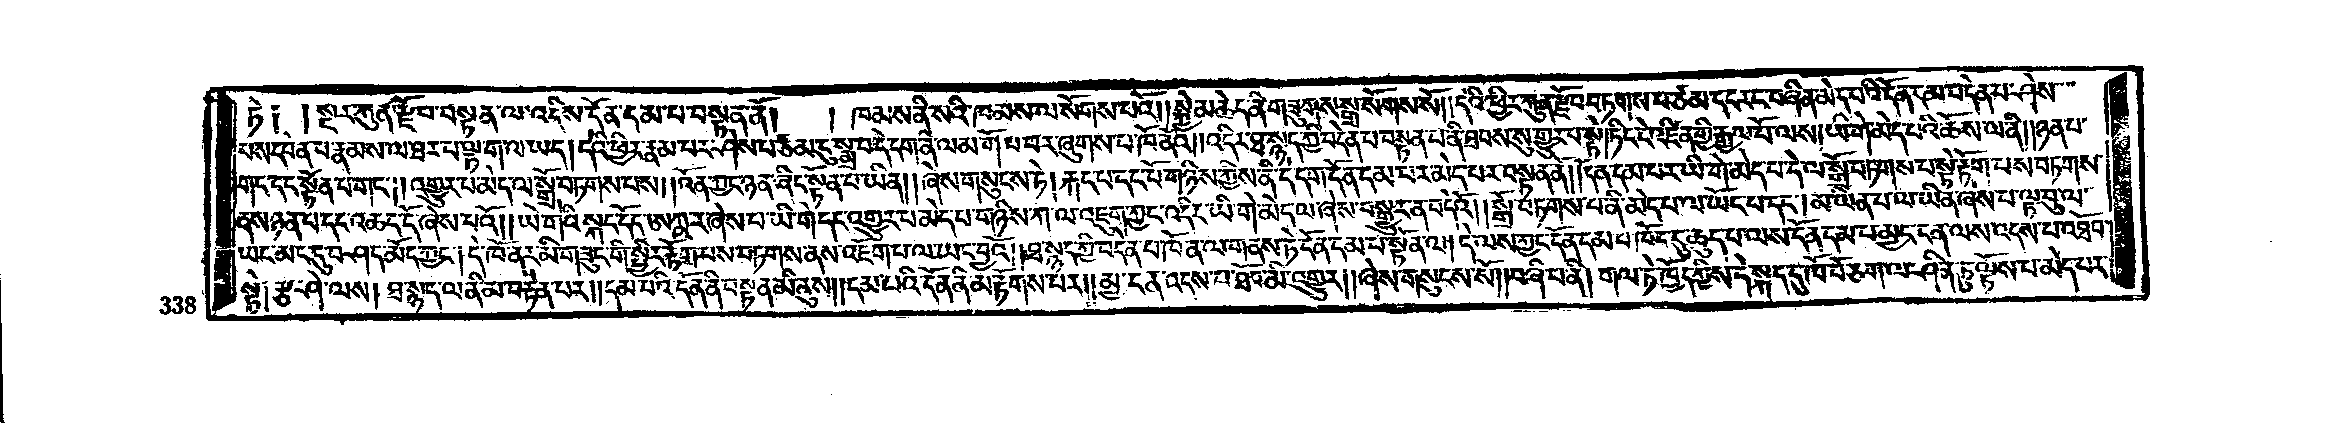ཏེ། །སྔར་ཀུན་རྫོབ་བསྟན་ལ་འདིས་དོན་དམ་པ་བསྟན་ནོ། །ཁམས་ནི་སའི་ཁམས་ལ་སོགས་པའོ། །སྐྱེ་མཆེད་ནི་གཟུགས་སྒྲ་སོགས་སོ། །དེའི་ཕྱིར་ཀུན་རྫོབ་བཏགས་པ་ཙམ་དང་རང་བཞིན་མེད་པའི་དོན་དམ་བདེན་པ་ཤེས་
པས་དབེན་པ་རྣམས་ལ་ཐར་པ་ལྟ་ག་ལ་ཡོད། དེའི་ཕྱིར་རྣམ་པར་ཤེས་པ་ཙམ་དུ་སྨྲ་བ་དེ་དག་ནི་ལམ་གོལ་པར་ཞུགས་པ་ཁོ་ནའོ། །འདིར་ཐ་སྙད་ཀྱི་བདེན་པ་བསྟན་པ་ནི་ཐབས་སུ་གྱུར་པ་སྟེ། ཏིང་ངེ་འཛིན་གྱི་རྒྱལ་པོ་ལས། ཡི་གེ་མེད་པའི་ཆོས་ལ་ནི། །ཉན་པ་
གང་དང་སྟོན་པ་གང་། །འགྱུར་པ་མེད་ལ་སྒྲོ་བཏགས་པས། །འོན་ཀྱང་ཉན་ཞིང་སྟོན་པ་ཡིན། །ཞེས་གསུངས་ཏེ། རྐང་པ་དང་པོ་གཉིས་ཀྱིས་ནི་དེ་དག་དོན་དམ་པར་མེད་པར་བསྟན་ནོ། །དོན་དམ་པར་ཡི་གེ་མེད་པ་དེ་ལ་ལ་སྒྲོ་བཏགས་པ་སྟེ་རྟོག་པས་བཏགས་
ནས་ཉན་པ་དང་འཆད་དོ་ཞེས་པའོ། །ཡི་གེའི་སྐད་དོད་ཨཀྵར་ཞེས་པ་ཡི་གེ་དང་འགྱུར་པ་མེད་པ་གཉིས་ཀ་ལ་འཇུག་ཀྱང་འདིར་ཡི་གེ་མེད་ལ་ཞེས་བསྒྱུར་ན་བདེའོ། །སྒྲོ་བཏགས་པ་ནི་མེད་པ་ལ་ཡོད་པ་དང་། མ་ཡིན་པ་ལ་ཡིན་ཞེས་པ་ལྟ་བུ་ལ་
ཡང་མང་དུ་བཤད་མོད་ཀྱང་། དེ་ཁོ་ནར་མི་གཟུང་གི་སྤྱིར་རྟོག་པས་བཏགས་ནས་འཇོག་པ་ལ་ཡང་བྱའོ། །ཐ་སྙད་ཀྱི་བདེན་པ་ཁོ་ན་ལ་གནས་ཏེ་དོན་དམ་པ་སྟོན་ལ། དེ་ལས་ཀྱང་དོན་དམ་པ་ཁོང་དུ་ཆུད་པ་ལས་དོན་དམ་པ་མྱང་ངན་ལས་འདས་པ་འཐོབ་
སྟེ། རྩ་ཤེ་ལས། ཐ་སྙད་ལ་ནི་མ་བརྟེན་པར། །དམ་པའི་དོན་ནི་བསྟན་མི་ནུས། །དམ་པའི་དོན་ནི་མ་རྟོགས་པར། །མྱ་ངན་འདས་པ་ཐོབ་མི་འགྱུར། །ཞེས་གསུངས་སོ། །བཞི་པ་ནི། གལ་ཏེ་ཁྱོད་ཀྱིས་དེ་སྐད་དུ་ཁོ་བོ་ཅག་ལ་ཤིན་ཏུ་ལྟོས་པ་མེད་པར་